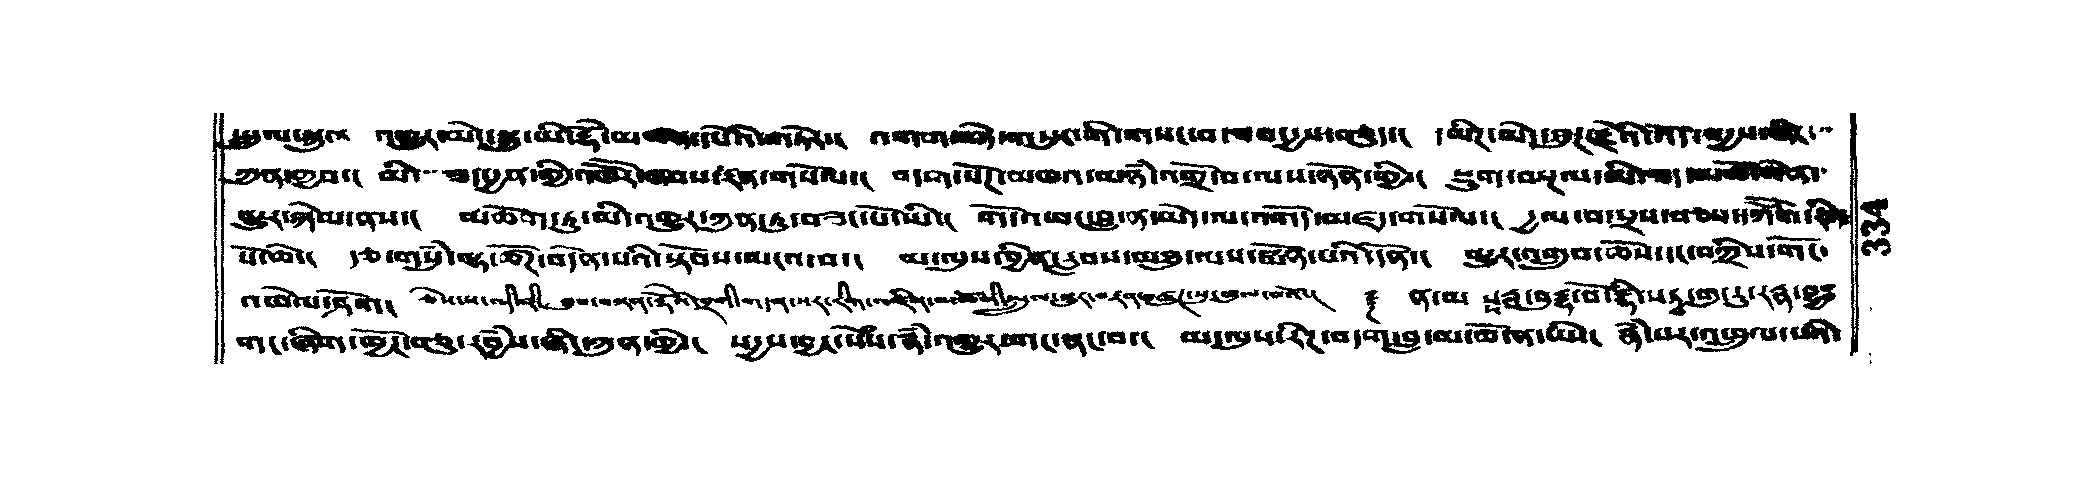སྤྲུལ་སྐུ༴ །འགྱུར་མེད་སྐུ་ཡི་རྡོ་རྗེ་མཚན་དཔེའི་གཏེར། །འགག་མེད་གསུང་གི་གསང་བ་ཟབ་རྒྱས་བཅུད། །དམིགས་མེད་ཐུགས་རྗེའི་འོད་བརྒྱས་ཞིང་
ཀུན་ཁྱབ། །མི་ཟད་རྒྱན་གྱི་འཁོར་ལོ་ཞབས་བརྟན་གསོལ། །བདག་སོགས་མཁའ་མཉམ་འགྲོ་བ་ལས་ཉོན་གྱི། །སྡུག་བསྔལ་མི་ཟད་མཚོ་ཆེན་
མྱུར་སྐེམ་ནས། །མཆོག་ཏུ་མི་འགྱུར་ཀུན་ཏུ་བཟང་པོ་ཡི། །གོ་འཕང་བླ་ན་མེད་ལ་འགོད་མཛད་གསོལ། །རྒྱལ་བ་སྲས་བཅས་དཀོན་མཆོག་རིན་
པོ་ཆེ། །རྩ་གསུམ་ལྷ་ཚོགས་བདེན་པའི་སྟོབས་མངའ་བ། །མ་ལུས་བྱིན་རླབས་མཐུ་ལ་སྨོན་པའི་དོན། །མྱུར་འགྲུབ་ཆོས་དང་བཀྲ་ཤིས་གོང་
འཕེལ་ཤོག ཅེས་པ་འདི་ནི། ཐུབ་བསྟན་རྡོ་རྗེའི་བྲག་གི་གདན་སར་རིག་འཛིན་མཆོག་གི་སྤྲུལ་སྐུར་བརྟན་བཞུགས་སུ་ཕུལ་བའོ།། ༈ ན་མ་སརྦ་བུདྡྷ་བོ་དྡྷི་སཏྭ་གུ་རུ་རཏྣ་བྷྱཿ 
གང་ཞིག་ཕྱོགས་བཅུ་རབ་འབྱམས་ཞིང་ཀུན་གྱི། །སངས་རྒྱས་བྱང་སེམས་རྣམ་འགྱུར་གང་སྣང་བ། །མ་ལུས་རིགས་བདག་བླ་མ་ཁོ་ན་ཡི། །རྣམ་པར་འཕྲུལ་པའི་